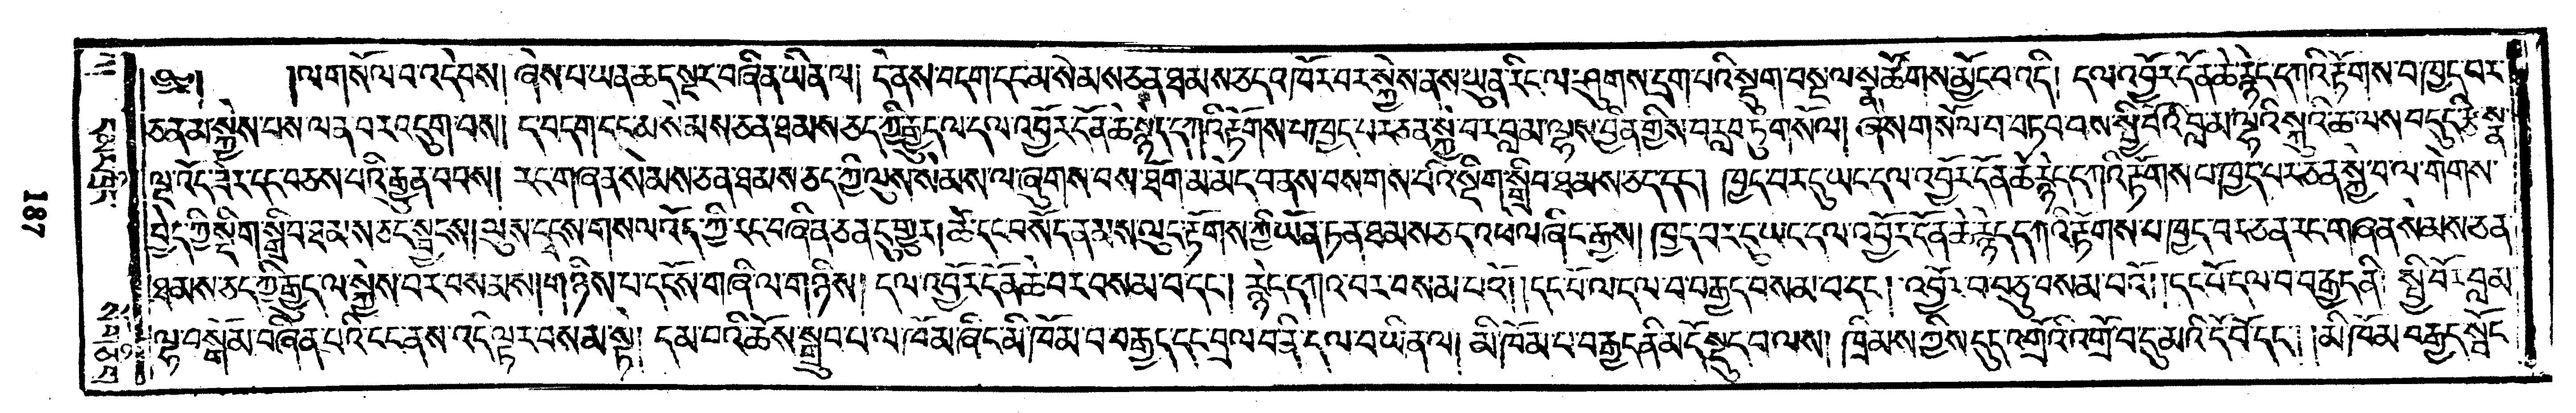༄༅། །ལ་གསོལ་བ་འདེབས། ཞེས་པ་ཡན་ཆད་སྔར་བཞིན་ཡིན་ལ། དེ་ནས་བདག་དང་མ་སེམས་ཅན་ཐམས་ཅད་འཁོར་བར་སྐྱེས་ནས་ཡུན་རིང་ལ་ཤུགས་དྲག་པའི་སྡུག་བསྔལ་སྣ་ཚོགས་མྱོང་བ་འདི། དལ་འབྱོར་དོན་ཆེ་རྙེད་དཀའི་རྟོགས་བ་ཁྱད་བར་
ཅན་མ་སྐྱེས་པས་ལན་བར་འདུག་བས། ད་བདག་དང་མ་སེམས་ཅན་ཐམས་ཅད་ཀྱི་རྒྱུད་ལ་དལ་འབྱོར་དོན་ཆེ་སྙེད་དཀའི་རྟོགས་པ་ཁྱད་པར་ཅན་སྐྱེ་བར་བླ་མ་ལྷས་བྱིན་གྱིས་བརླབ་ཏུ་གསོལ། ཞེས་གསོལ་བ་བཏབ་བས་སྤྱི་བོའི་བླ་མ་ལྷའི་སྐུའི་ཆ་ལས་བདུད་རྩི་སྣ་
ལྔ་འོད་ཟེར་དང་བཅས་པའི་རྒྱུན་བབས། རང་གཞན་སེམས་ཅན་ཐམས་ཅད་ཀྱི་ལུས་སེམས་ལ་ཞུགས་བས་ཐོག་མ་མེད་བ་ནས་བསགས་བའི་སྡིག་སྒྲིབ་ཐམས་ཅད་དང་། ཁྱད་བར་དུ་ཡང་དལ་འབྱོར་དོན་ཆེ་རྙེད་དཀའི་རྟོགས་པ་ཁྱད་པར་ཅན་སྐྱེ་བ་ལ་གེགས་
བྱེད་ཀྱི་སྡིག་སྒྲིབ་ཐམས་ཅད་སྦྱངས། ལུས་དྭངས་གསལ་འོད་ཀྱི་རང་བཞིན་ཅན་དུ་གྱུར། ཚེ་དང་བསོད་ནམས་ལུང་རྟོགས་ཀྱི་ཡོན་ཏན་ཐམས་ཅད་འཕེལ་ཞིང་རྒྱས། ཁྱད་བར་དུ་ཡང་དལ་འབྱོར་དོན་ཆེ་རྙེད་དཀའི་རྟོགས་པ་ཁྱད་བར་ཅན་རང་གཞན་སེམས་ཅན་
ཐམས་ཅད་ཀྱི་རྒྱུད་ལ་སྐྱེས་བར་བསམས། གཉིས་པ་དངོས་གཞི་ལ་གཉིས། དལ་འབྱོར་དོན་ཆེ་བར་བསམ་བ་དང་། རྙེད་དཀའ་བར་བསམ་པའོ། །དང་པོ་ལ་དལ་བ་བརྒྱད་བསམ་བ་དང་། འབྱོར་བ་བཅུ་བསམ་བའོ། །དང་པོ་དལ་བ་བརྒྱད་ནི། སྤྱི་བོར་བླ་མ་
ལྷ་བསྒོམ་བཞིན་པའི་ངང་ནས་འདི་ལྟར་བསམ་སྟེ། དམ་བའི་ཆོས་སྒྲུབ་པ་ལ་ཁོམ་ཞིང་མི་ཁོམ་བ་བརྒྱད་དང་བྲལ་བ་ནི་དལ་བ་ཡིན་ལ། མི་ཁོམ་པ་བརྒྱད་ནི་མདོ་སྡུད་བ་ལས། ཁྲིམས་ཀྱིས་དུད་འགྲོའི་འགྲོ་བ་དུ་མའི་ངོ་བོ་དང་། །མི་ཁོམ་བརྒྱད་སྤོང་